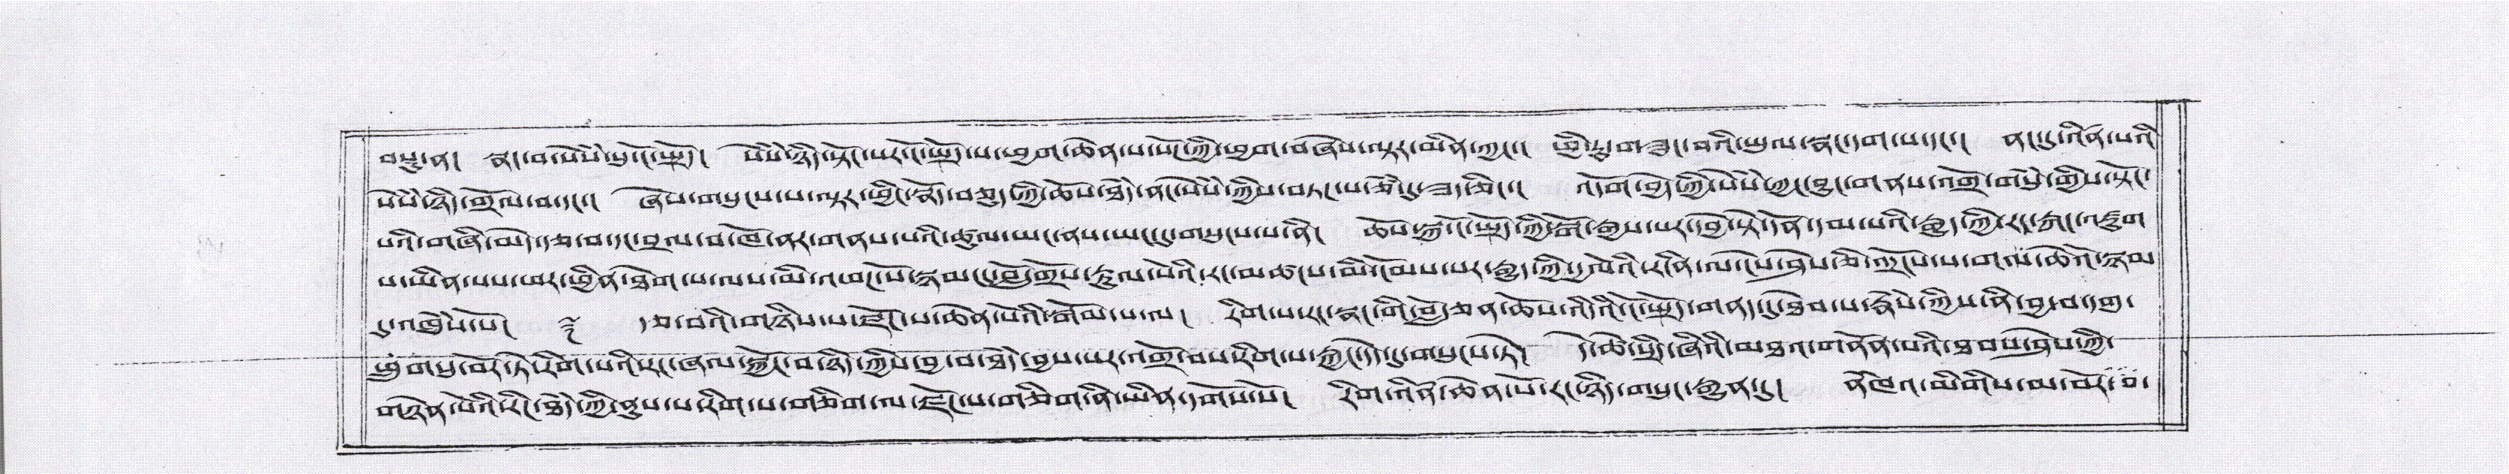བསྡུ་ན། སྣང་བ་སེམས་སུ་ངོ་སྤྲོད། སེམས་ཉིད་སྟོང་པར་ངོ་སྤྲོད་པ་ཕྱག་ཆེན་པ་སོགས་ཀྱི་ཕྱག་བཞེས་ལྟར་མིན་ཀྱང། ཕྱི་རུ་གཟུང་བའི་ཡུལ་སྣང་དག་པ་དང། ནང་དུ་འཛིན་པའི་
སེམས་ཉིད་གྲོལ་བ་དང། ཞེས་གསུངས་པ་ལྟར་ཕྱི་ནང་སྣོད་བཅུད་ཀྱི་ཆོས་ཐམས་ཅད་ནང་སེམས་ཀྱིས་བཏགས་པ་ཙམ་དུ་ཟད་ཅིང། འདོག་བྱེད་ཀྱི་སེམས་ཀྱང་བྱུང་གནས་འགྲོ་གསུམ་གྱིས་སྟོང་
པའི་གཞི་མེད་རྩ་བ་དང་བྲལ་བ་ཁོ་ནར་གནས་པའི་ཚུལ་ཡང་ནས་ཡང་དུ་གསུངས་པ་ནི། ཆོས་སྐུ་ངོ་སྤྲོད་ཀྱི་སྒོ་རྒྱས་པར་དབྱེ་སྟེ་དོན་དམ་པའི་རྒྱུད་ཀྱི་རང་རྐང་འཇུག་
པ་ཡིན་པས་ཕར་ཕྱིན་ཐེག་པ་ལས་མི་འཕགས་སོ་སྙམ་དུ་བློ་གྲོས་རྟུལ་པོའི་རང་མཚངས་མི་ངོམས་པར་རྒྱུད་ཀྱི་རྒྱལ་མོའི་རང་བཞིན་ལ་ངེས་ཤེས་ཅི་འདྲོངས་པ་གལ་ཆེའོ་སྙམ་
དུ་འཁུམས་སོ། ༑ རྩ་བའི་གཉིས་པ་རྫོགས་པ་ཆེན་པོའི་སྒོམ་པ་ལ། རིག་པ་རང་སྣང་གི་བློ་རྩན་ཆོས་འདིའི་ངོ་སྤྲོད་གནད་དུ་ཐེབ་པ་རྣམས་ཀྱིས་ནི་བྱ་བ་དགུ་
ཕྲུག་སུ་བོར་ཏེ་རིག་པའི་རང་ཞལ་སྐྱོང་བ་ཉིད་ཀྱིས་བྱ་བ་ཐམས་ཅད་བྱས་པར་འགྲོ་བས་རིག་པ་རྐྱང་དེད་དུ་གསུངས་ཏེ། དེ་ཚེ་སྲིད་ཞིའི་མཐའ་གནོན་པའི་ཐབས་ཤེས་ཀྱི་
གཉེན་པོའི་རིགས་ཐམས་ཅད་ཀྱི་ནུས་པ་རིག་པ་གཅིག་ལ་རྫོགས་པ་གཅིག་ནི་ཡིན་དགོས་སོ། རིག་འཛིན་ཆེན་པོ་རང་ཉིད་གསུང་རྒྱུན་དུ། ནམ་མཁའ་མིག་གིས་མ་བོར་ཅི་